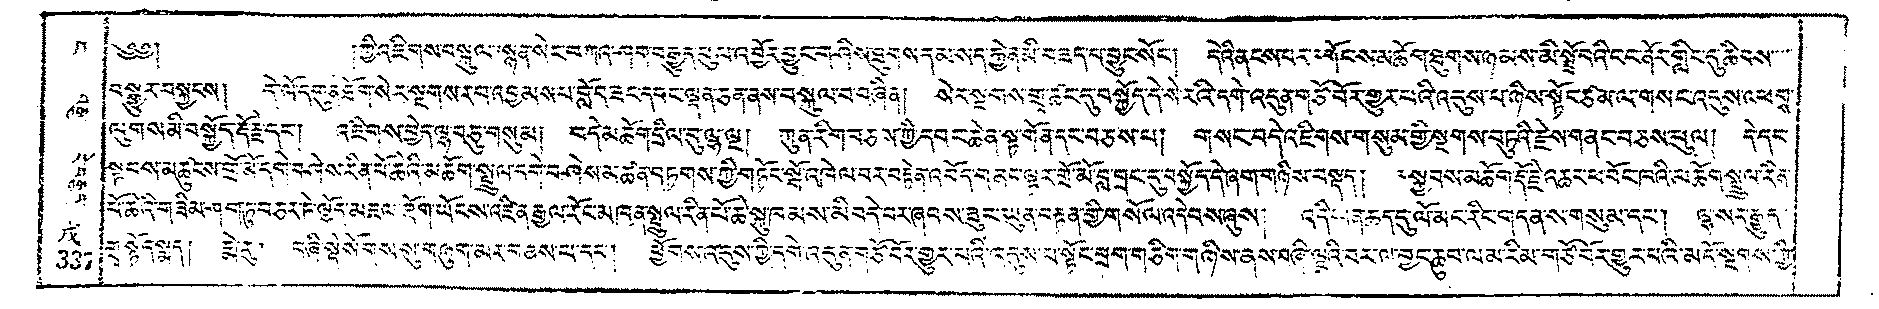༄༅། །ཀྱི་འཇིགས་བསྐུལ་༧སྙན་སེང་བཀའ་ཤག་བརྒྱུད་ཕུལ་འབྱོར་བྱུང་གཤིས་ཐུགས་དམ་སད་རྐྱེན་མི་བཟད་པ་བྱུང་སོང་། དེའི་ནངས་པར་༧གོང་ས་མཆོག་ཐུགས་ཉམས་མི་སྤྲོ་བའི་ངང་ནོར་གླིང་དུ་ཆིབས་
བསྒྱུར་བསྐྱངས། དེ་ལོ་དགུན་ཐོག་སེར་སྔགས་རབ་འབྱམས་པ་བློ་བཟང་དབང་ལྡན་ཅན་ནས་བསྐུལ་བ་བཞིན། སེར་སྔགས་གྲྭ་ཚང་དུ་བསྐྱོད་དེ་སེ་རའི་དགེ་འདུན་གཙོ་བོར་གྱུར་པའི་འདུས་པ་ཉིས་སྟོང་ཙམ་ལ་གསང་འདུས་འཕགས་
ལུགས་མི་བསྐྱོད་རྡོ་རྗེ་དང་། འཇིགས་བྱེད་ལྷ་བཅུ་གསུམ། བདེ་མཆོག་དྲིལ་བུ་ལྷ་ལྔ། ཀུན་རིག་བཅས་ཀྱི་དབང་ཆེན་སྟ་གོན་དང་བཅས་པ། གསང་བདེ་འཇིགས་གསུམ་གྱི་སྔགས་བཏུའི་རྗེས་གནང་བཅས་ཕུལ། དེ་དང་
སྟབས་མཚུངས་གྲོ་མོ་དགེ་བཤེས་རིན་པོ་ཆེའི་མཆོག་སྤྲུལ་དགེ་བཤེས་མཚན་བཏགས་ཀྱི་གཏོང་སྒོ་འཁེལ་བར་བརྟེན་འབོད་གནང་ལྟར་གྲོ་མོ་བླ་བྲང་དུ་བསྐྱོད་དེ་ཞག་གཉིས་བསྡད། ༧སྐྱབས་མཆོག་རྡོ་རྗེ་འཆང་ཕ་བོང་ཁའི་མཆོག་སྤྲུལ་རིན་
པོ་ཆེའི་གཟིམ་ཤག་ཏུ་བཅར་ཏེ་ལྷོད་མཇལ་ཐོག་ཡོངས་འཛིན་རྒྱལ་རོང་མཁན་སྤྲུལ་རིན་པོ་ཆེ་སྐུ་ཁམས་མི་བདེ་བར་ཞབས་ཟུང་ཡུན་བརྟན་གྱི་གསོལ་འདེབས་ཞུས། འདི་ཡན་ཆད་དུ་ལོ་མང་རིང་གདན་ས་གསུམ་དང་། ལྷ་སར་རྒྱུད་
གྲྭ་སྟོད་སྨད། རྨེ་རུ། བཞི་སྡེ་སོགས་སུ་གཉུག་མར་གནས་པ་དང་། ཕྱོགས་འདུས་ཀྱི་དགེ་འདུན་གཙོ་བོར་གྱུར་པའི་འདུས་པ་སྟོང་ཕྲག་གཅིག་གཉིས་ནས་བཞི་ལྔའི་བར་ལ་བྱང་ཆུབ་ལམ་རིམ་གཙོ་བོར་གྱུར་པའི་མདོ་སྔགས་ཀྱི་